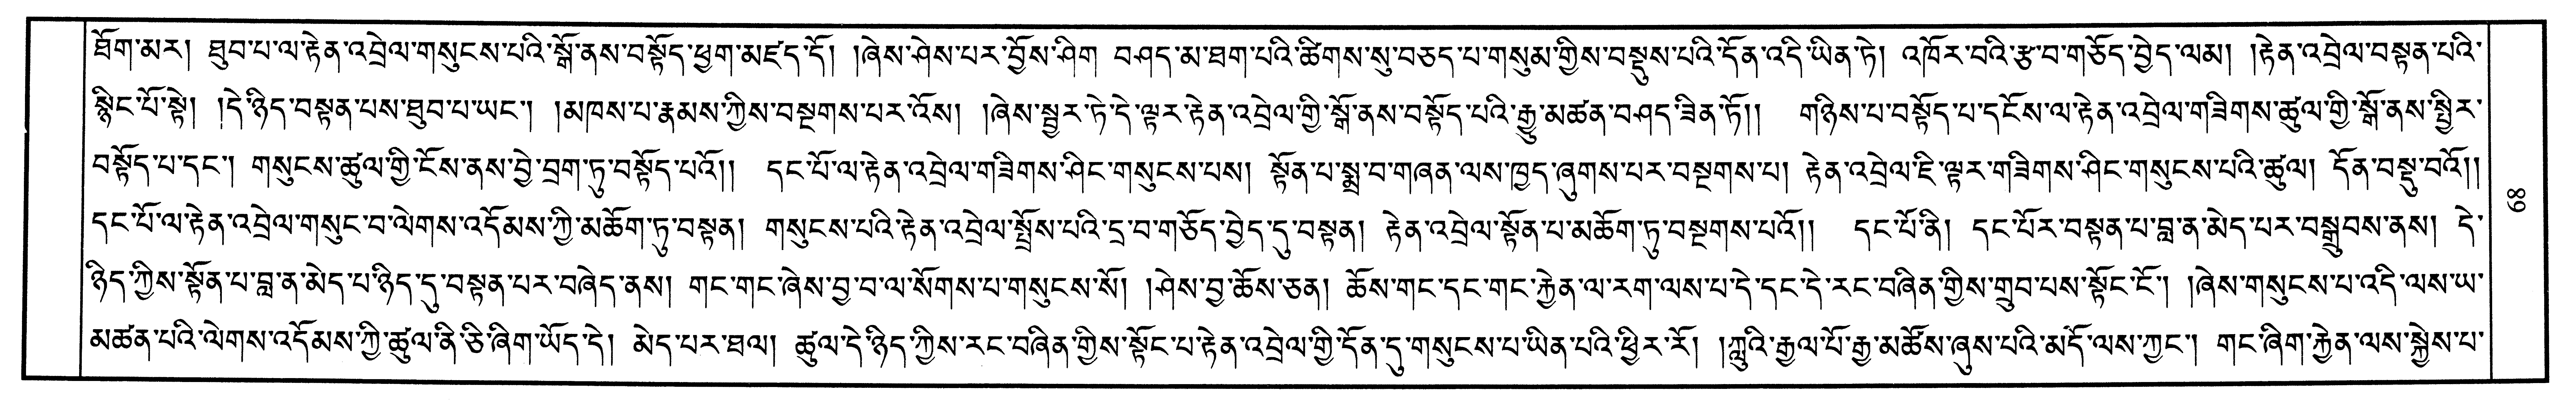ཐོག་མར། ཐུབ་པ་ལ་རྟེན་འབྲེལ་གསུངས་པའི་སྒོ་ནས་བསྟོད་ཕྱག་མཛད་དོ། །ཞེས་ཤེས་པར་བྱོས་ཤིག །བཤད་མ་ཐག་པའི་ཚིགས་སུ་བཅད་པ་གསུམ་གྱིས་བསྡུས་པའི་དོན་འདི་ཡིན་ཏེ། འཁོར་བའི་རྩ་བ་གཅོད་བྱེད་ལམ། །རྟེན་འབྲེལ་བསྟན་པའི་
སྙིང་པོ་སྟེ། །དེ་ཉིད་བསྟན་པས་ཐུབ་པ་ཡང་། །མཁས་པ་རྣམས་ཀྱིས་བསྔགས་པར་འོས། །ཞེས་སྦྱར་ཏེ་དེ་ལྟར་རྟེན་འབྲེལ་གྱི་སྒོ་ནས་བསྟོད་པའི་རྒྱུ་མཚན་བཤད་ཟིན་ཏོ།། གཉིས་པ་བསྟོད་པ་དངོས་ལ་རྟེན་འབྲེལ་གཟིགས་ཚུལ་གྱི་སྒོ་ནས་སྤྱིར་
བསྟོད་པ་དང་། གསུངས་ཚུལ་གྱི་ངོས་ནས་བྱེ་བྲག་ཏུ་བསྟོད་པའོ།། དང་པོ་ལ་རྟེན་འབྲེལ་གཟིགས་ཤིང་གསུངས་པས། སྟོན་པ་སྨྲ་བ་གཞན་ལས་ཁྱད་ཞུགས་པར་བསྔགས་པ། རྟེན་འབྲེལ་ཇི་ལྟར་གཟིགས་ཤིང་གསུངས་པའི་ཚུལ། དོན་བསྡུ་བའོ།།
དང་པོ་ལ་རྟེན་འབྲེལ་གསུང་བ་ལེགས་འདོམས་ཀྱི་མཆོག་ཏུ་བསྟན། གསུངས་པའི་རྟེན་འབྲེལ་སྤྲོས་པའི་དྲ་བ་གཅོད་བྱེད་དུ་བསྟན། རྟེན་འབྲེལ་སྟོན་པ་མཆོག་ཏུ་བསྔགས་པའོ།། དང་པོ་ནི། དང་པོར་བསྟན་པ་བླ་ན་མེད་པར་བསྒྲུབས་ནས། དེ་
ཉིད་ཀྱིས་སྟོན་པ་བླ་ན་མེད་པ་ཉིད་དུ་བསྟན་པར་བཞེད་ནས། གང་གང་ཞེས་བྱ་བ་ལ་སོགས་པ་གསུངས་སོ། །ཤེས་བྱ་ཆོས་ཅན། ཆོས་གང་དང་གང་རྐྱེན་ལ་རག་ལས་པ་དེ་དང་དེ་རང་བཞིན་གྱིས་གྲུབ་པས་སྟོང་ངོ། །ཞེས་གསུངས་པ་འདི་ལས་ཡ་
མཚན་པའི་ལེགས་འདོམས་ཀྱི་ཚུལ་ནི་ཅི་ཞིག་ཡོད་དེ། མེད་པར་ཐལ། ཚུལ་དེ་ཉིད་ཀྱིས་རང་བཞིན་གྱིས་སྟོང་པ་རྟེན་འབྲེལ་གྱི་དོན་དུ་གསུངས་པ་ཡིན་པའི་ཕྱིར་རོ། །ཀླུའི་རྒྱལ་པོ་རྒྱ་མཚོས་ཞུས་པའི་མདོ་ལས་ཀྱང་། གང་ཞིག་རྐྱེན་ལས་སྐྱེས་པ་